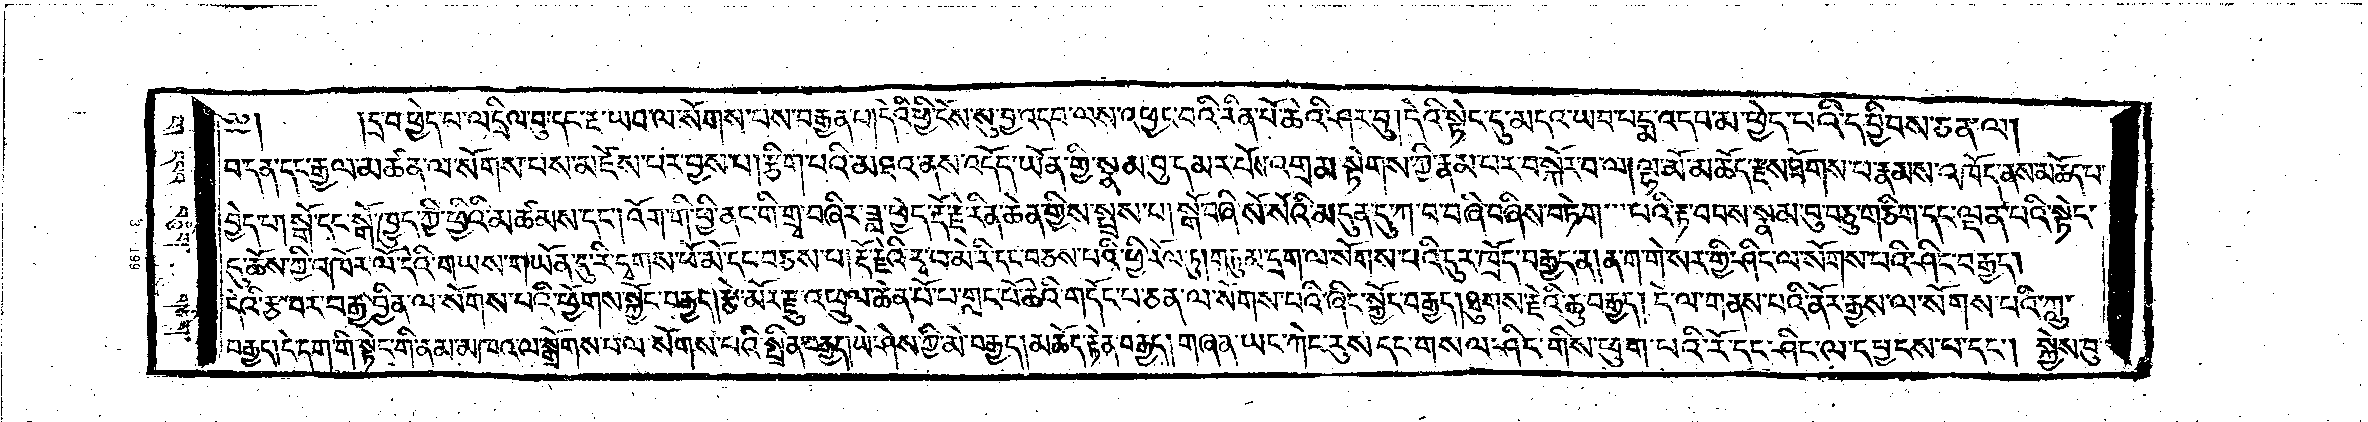༄༅། །དྲ་བ་ཕྱེད་པ་ལ་དྲིལ་བུ་དང་རྔ་ཡབ་ལ་སོགས་པས་བརྒྱན་པ། དེའི་ཕྱི་ངོས་སུ་བྱ་འདབ་པ་ལས་འཕྱང་བའི་རི་པོ་ཆེའི་ཤར་བུ། དེའི་སྟེང་དུ་མདའ་ཡབ་པདམ་འདབ་མ་ཕྱེད་པའི་དབྱིབས་ཅན་ལ།
བ་དན་དང་རྒྱལ་མཚན་ལ་སོགས་པས་མཛེས་པར་བྱས་པ། རྩིག་པའི་མཐའ་ནས་འདོད་ཡོན་གྱི་སྣམ་བུ་དམར་པོས་འགྲམ་སྟེགས་ཀྱི་རྣམ་པར་བསྐོར་བ་ལ། ལྷ་མོ་མཆོད་རྫས་ཐོགས་པ་རྣམས་འཁོད་ནས་མཆོད་པ་
བྱེད་པ། སྒོ་དང་སྒོ་ཁྱུད་ཀྱི་ཕྱིའི་མཚམས་དང་། འོག་གི་ཕྱི་ནང་གི་གྲྭ་བཞིར་ཟླ་ཕྱེད་རྡོ་རྗེ་རིན་ཆེན་གྱིས་སྤྲས་པ། སྒོ་བཞི་སོ་སོའི་མདུན་དུ་ཀ་བ་བཞི་བཞིས་བཏག་པའི་རྟ་བབས་སྣམ་བུ་བཅུ་གཅིག་དང་ལྡན་པའི་སྟེང་
དུ་ཆོས་ཀྱི་འཁོར་ལོ་དེའི་གཡས་གཡོན་དུ་རི་དྭགས་ཕོ་མོ་དང་བཅས་པ། རྡོ་རྗེའི་རྭ་བ་མེ་རི་དང་བཅས་པའི་ཕྱི་རོལ་ཏུ། གཏུམ་དྲག་ལ་སོགས་པའི་དུར་ཁྲོད་བརྒྱད་ན། ནག་གསེར་གྱི་ཤིང་ལ་སོགས་པའི་ཤིང་བརྒྱད།
དེའི་རྩ་བར་བརྒྱ་བྱིན་ལ་སོགས་པའི་ཕྱོགས་སྐྱོང་བརྒྱད། རྩེ་མོར་རྫུ་འཕྲུལ་ཆེན་པོ་བ་གླང་པོ་ཆེའི་གདོང་པ་ཅན་ལ་སོགས་པའི་ཞིང་སྐྱོང་བརྒྱད། ཐུགས་རྗེའི་ཆུ་བརྒྱད། དེ་ལ་གནས་པའི་ནོར་རྒྱས་ལ་སོགས་པའི་ཀླུ་
བརྒྱད། དེ་དག་གི་སྟེང་གི་ནམ་མཁའ་ལ་སྒྲོགས་པ་ལ་སོགས་པའི་སྤྲིན་བརྒྱད། ཡེ་ཤེས་ཀྱི་མེ་བརྒྱད། མཆོད་རྟེན་བརྒྱད། གཞན་ཡང་ཀེང་རུས་དང་གསལ་ཤིང་གིས་ཕུག་པའི་རོ་དང་ཤིང་ལ་དབྱངས་པ་དང་། སྐྱེས་བུ་